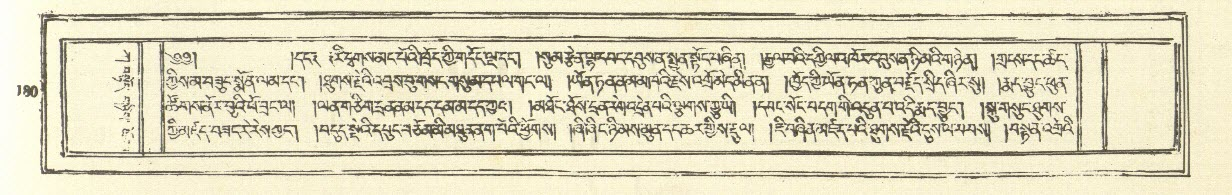༄༅། །དང་། །རི་དྭགས་མང་པོའི་ཁྲོད་ཀྱི་གདོང་ལྔ་དང་། །སུམ་རྩེན་ལྷ་དབང་དབུས་ན་སྤྱན་སྟོང་བཞིན། །རྒྱལ་བའི་དཀྱིལ་འཁོར་དབུས་ན་ཉི་མའི་གཉེན། །གྲངས་དང་ཚད་
ཀྱིས་མ་བཟུང་སྨོན་ལམ་དང་། །ཐུགས་རྗེའི་འབྲས་བུ་གསང་གསུམ་དཔལ་གང་ལ། །ཡོན་ཏན་ནམ་མཁའི་རྗེས་འགྲོ་མེད་མིན་ན། །ཁྱོད་ཀྱི་ཡོན་ཏན་ཀུན་བརྗོད་སྲིད་ཞིར་སུ། །རྨད་བྱུང་ཕུན་
ཆགས་ནོར་བུའི་ཕོ་བྲང་ལ། །ལན་གཅིག་དྲན་ནམ་དད་དམ་མ་དད་ཀྱང་། །མཐོང་ཐོས་དྲན་རེག་འདྲེན་པའི་ལྕགས་ཀྱུ་ཡི། །དབང་སོང་བདག་གི་འདུན་པ་འདི་རྨད་བྱུང་། །སྐུ་གསུང་ཐུགས་
ཀྱི་མཛད་བཟང་རེ་རེས་ཀྱང་། །བདུད་སྡེའི་དཔུང་བཅོམ་མི་མཐུན་ནག་པོའི་ཕྱོགས། །ཞི་ཞིང་ཉི་མས་མུན་དང་ཆར་གྱིས་རྡུལ། །ཇི་བཞིན་མཛད་པའི་ཐུགས་རྗེའི་དུས་ལ་བབས། །བསྟན་འགྲོའི་